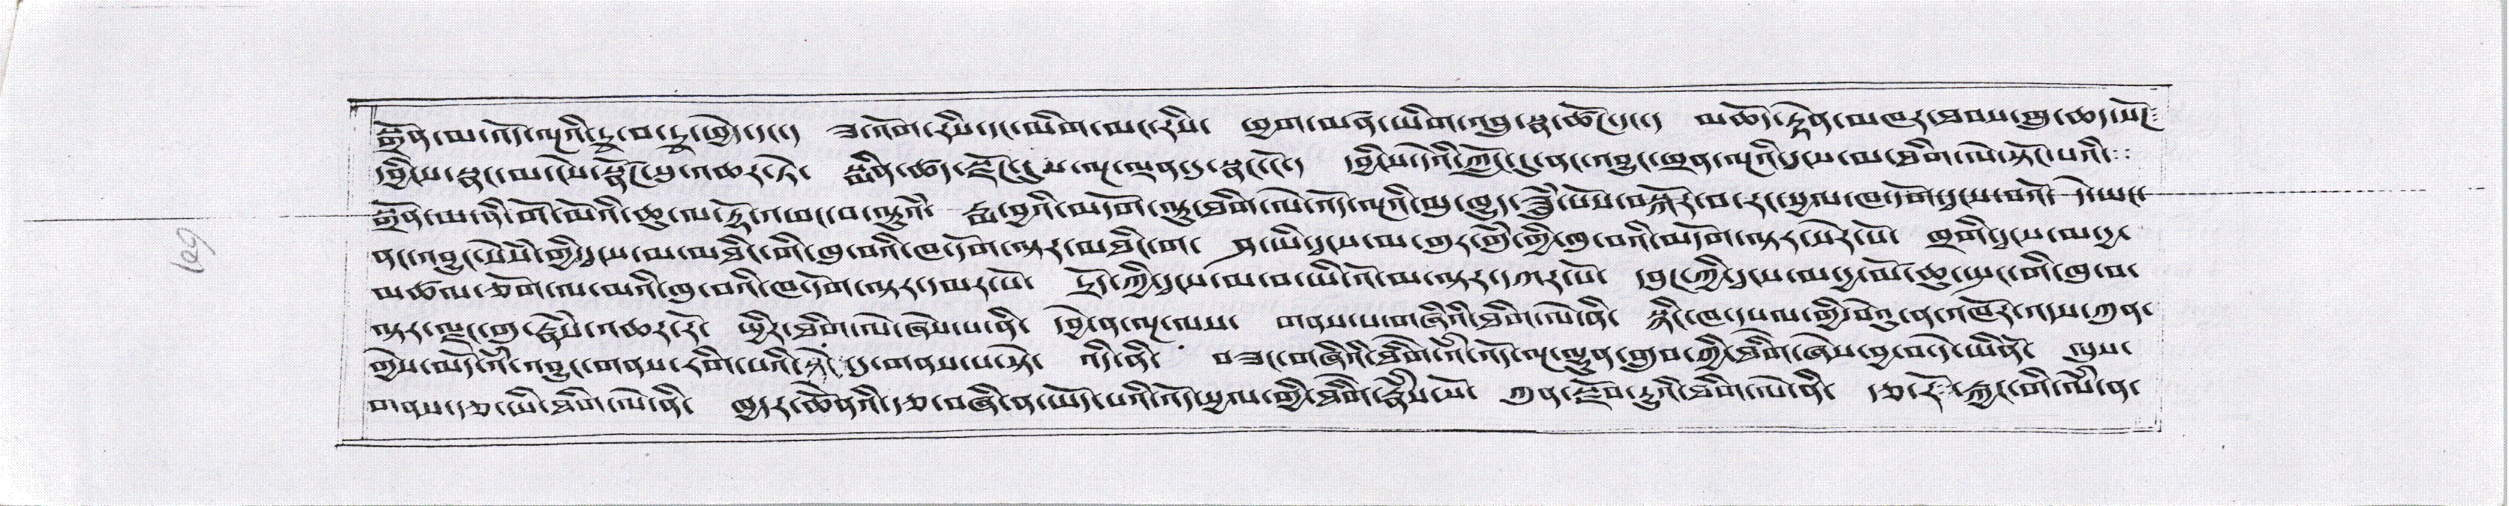སྒྲོན་མ་འོད་ལྔའི་དྲྭ་བ་དྲྭ་ཕྱེད་དང་ཟ་འོག་རིས་དང་མིག་མངས་རིས། ཕྱག་མཚན་ཡིག་འབྲུ་སྣ་ཚོགས་དང་། མཆོད་རྟེན་མཁར་ཐབས་གྲུ་ཆད་སོགས་
དབྱིངས་སྣང་མ་ངེས་སྣ་ཚོགས་སུ་འཆར་ཏེ། སྨིན་ཚད་རྫོགས་དུས་ལྔ་ལྡན་དུ་སྣང་ངོ་། དབྱིངས་དེའི་ཀློང་དུ་ནང་འབྱུང་ཕྲན་ལྔའི་དྭངས་མ་ཐིག་ལེ་སྟོང་པའི་
སྒྲོན་མ་ནི་གོ་མོའི་ཆུ་ལ་རྡོ་འཕངས་པ་ལྟ་བུའམ། རྨ་བྱའི་མདོག་ལྟ་བུ་ཐིག་ལེ་འོད་ལྔའི་མུ་ཁྱུད་ཟླུམ་པོས་བསྐོར་བ་རང་གསལ་ཁ་དོག་དངས་པའོ། །དེ་ཡང་
ནང་འབྱུང་སེམས་ཀྱི་དྭངས་མ་མཐིང་གི་ཁུ་བའི་ཁ་དོག་ལྟར་མཐིང་ག་ཤ་ཡི་དྭངས་མ་གུར་གུམ་གྱི་ཁུ་བའི་མདོག་ལྟར་སེར་པོ། ཁྲག་གི་དྭངས་མ་རྒྱ་
མཚལ་ཅོག་ལ་མའི་ཁུ་བའི་ཁ་དོག་ལྟར་དམར་པོ། དྲོད་ཀྱི་དྭངས་མ་བ་ཡི་འོ་མ་ལྟར་དཀར་པོ། དབུགས་ཀྱི་དྭངས་མ་རྒྱ་མཚོ་ཆུ་ཆུ་སྤང་གི་ཁུ་བ་
ལྟར་ལྗང་ཁུ་རྣམས་འཆར་རོ། །སྤྱིར་ཐིག་ལེ་ཞེས་པ་ནི། དབྱེ་ན་ལྔ་ལས། གནས་པ་གཞི་ཡི་ཐིག་ལེ་ནི། སྙིང་ཁ་དཔལ་གྱི་བེའུ་ན་འཁོར་འདས་ཀུན་
གྱེས་མདོའམ་འབྱུང་གནས་རིག་པའི་སྟེང་དུ་གནས་པ་སྟེ། འདི་ནི་བཟང་བཞིའི་ཐིག་ལེའམ་འོད་ལྔ་ལྷུན་གྲུབ་ཀྱི་ཐིག་ལེ་ཞེས་བྱ་བ་དེ་ཡིན་ནོ། ལུས་
གནས་རྩ་ཡི་ཐིག་ལེ་ནི། ཁྱད་པར་ཆེན་པོའི་རྩ་བཞི་ན་ཡོད་པའི་འོད་གསལ་གྱི་ཐིག་ལེ་རྣམས་སོ། །ཀུན་རྫོབ་རྒྱུ་ཡི་ཐེག་ལེ་ནི། རྩ་རོ་རྐྱང་གི་ལམ་ན་